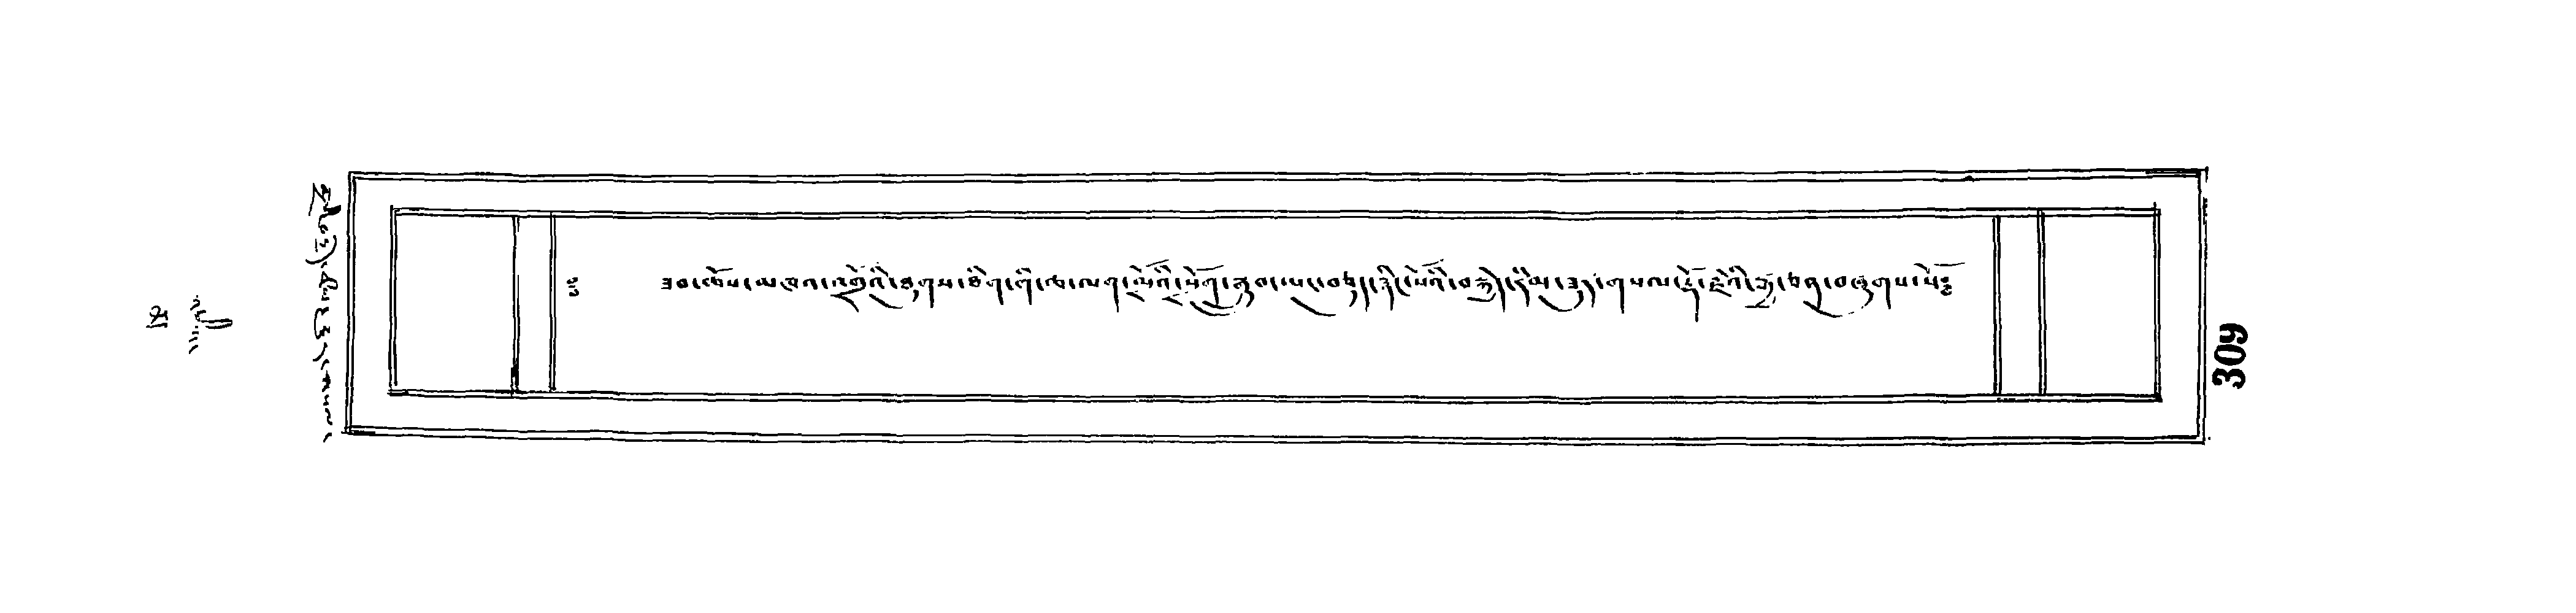ཟབ་ཆོས་མཁའ་འགྲོའི་ཐུགས་ཐིག་གི་ཆ་ལག་མཁའ་འགྲོའི་སྲོག་སྒྲུབ་ཡང་བཅུད་སྙིང་པོའི་བསྐྱེད་རིམ་ཟུར་གསལ་རྡོ་རྗེའི་རྒྱ་ཅན་བཞུགས་སོ༔